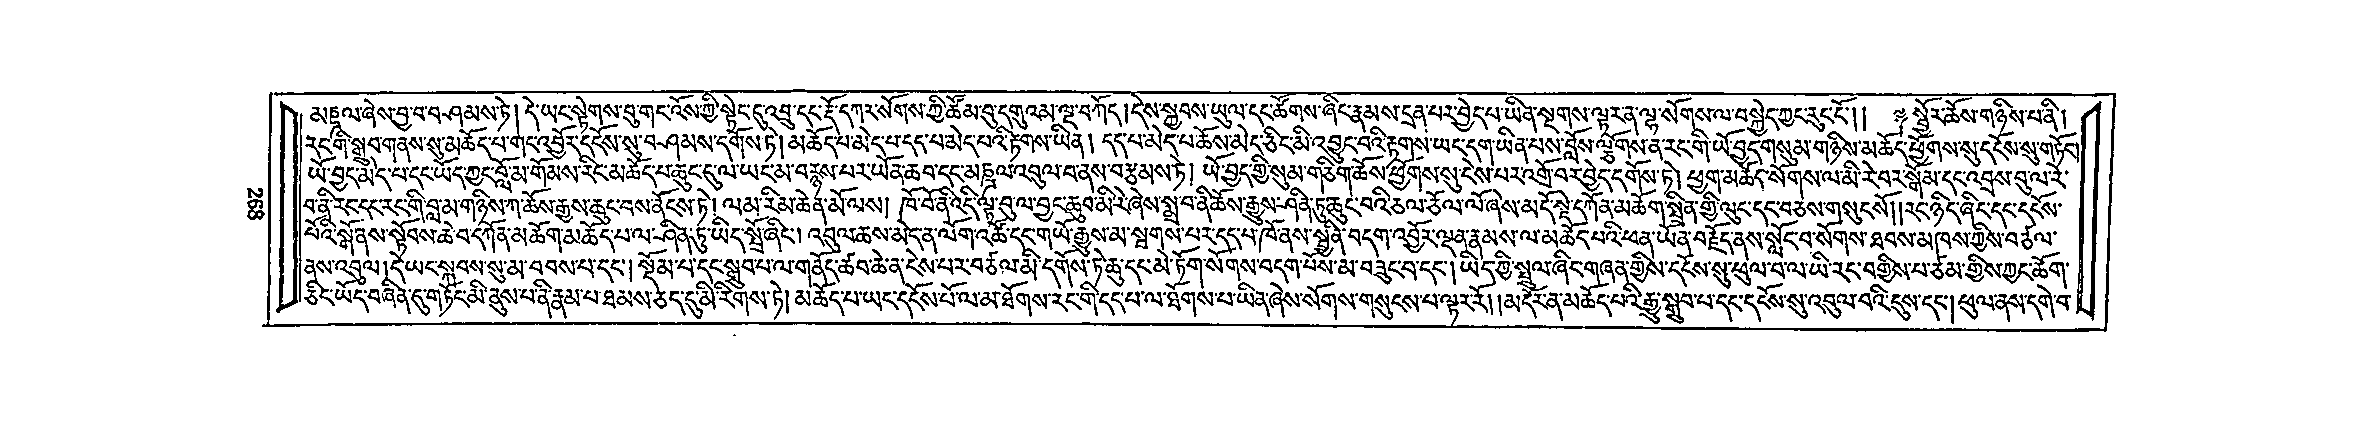མཎྜལ་ཞེས་བྱ་བ་བཤམས་ཏེ། དེ་ཡང་སྟེགས་བུ་གང་འོས་ཀྱི་སྟེང་དུ་འབྲུ་དང་རྡོ་དཀར་སོགས་ཀྱི་ཚོམ་བུ་དགུའམ་ལྔ་བཀོད། དེས་སྐྱབས་ཡུལ་དང་ཚོགས་ཞིང་རྣམས་དྲན་པར་བྱེད་པ་ཡིན་སྔགས་ལྟར་ན་ལྷ་སོགས་ལ་བསྐྱེད་ཀྱང་རུང་ངོ། །༈ སྦྱོར་ཆོས་གཉིས་པ་ནི།
རང་གི་སྒྲུབ་གནས་སུ་མཆོད་པ་གང་འབྱོར་དངོས་སུ་བཤམས་དགོས་ཏེ། མཆོད་པ་མེད་པ་དད་པ་མེད་པའི་རྟགས་ཡིན། དད་པ་མེད་པ་ཆོས་མེད་ཅིང་མི་འབྱུང་བའི་རྟགས་ཡང་དག་ཡིན་པས་བློས་ལྕོགས་ན་རང་གི་ཡོ་བྱད་གསུམ་གཉིས་མཆོད་ཕྱོགས་སུ་དངོས་སུ་གཏོང་།
ཡོ་བྱད་མེད་པ་དང་ཡོད་ཀྱང་བློ་མ་གོམས་རིང་མཆོད་པ་ཆུང་ངུ་ལ་ཡང་མ་བརྙས་པར་ཡོན་ཆབ་དང་མཎྜལ་འབུལ་བ་ནས་བརྩམས་ཏེ། ཡོ་བྱད་གྱི་སུམ་གཅིག་ཆོས་ཕྱོགས་སུ་ངེས་པར་འགྲོ་བར་བྱེད་དགོས་ཏེ། ཕྱག་མཆོད་སོགས་ལ་མི་རེ་བར་སྒོམ་དང་འབྲས་བུ་ལ་རེ་
བ་ནི་རང་དང་རང་གི་བླ་མ་གཉིས་ཀ་ཆོས་རྒྱས་ཆུང་བས་ནོངས་ཏེ། ལམ་རིམ་ཆེན་མོ་ལས། ཁོ་བོ་ནི་འདི་ལྟ་བུ་ལ་བྱང་ཆུབ་མི་རེ་ཞེས་སྨྲ་བ་ནི་ཆོས་རྒྱུས་ཤིན་ཏུ་ཆུང་བའི་ཅལ་ཅོལ་ལོ་ཞེས་མདོ་སྡེ་དཀོན་མཆོག་སྤྲིན་གྱི་ལུང་དང་བཅས་གསུངས་སོ། །རང་ཉིད་ཞིང་དང་དངོས་
པོའི་སྒོ་ནས་སྟོབས་ཆེ་བ་དཀོན་མཆོག་མཆོད་པ་ལ་ཤིན་ཏུ་ཡིད་སྤྲོ་ཞིང་། འབུལ་ཆས་མེད་ན་ལོག་འཚོ་དང་གཡོ་རྒྱུས་མ་སྦགས་པར་དད་པ་ཁོ་ནས་སྦྱིན་བདག་འབྱོར་ལྡན་རྣམས་ལ་མཆོད་པའི་ཕན་ཡོན་བརྗོད་ནས་སློང་བ་སོགས་ཐབས་མཁས་ཀྱིས་བཙལ་
ནས་འབུལ། དེ་ཡང་སྐབས་སུ་མ་བབས་པ་དང་། སྡོམ་པ་དང་སྒྲུབ་པ་ལ་གནོད་ཚབ་ཆེ་ན་ངེས་པར་བཙལ་མི་དགོས་ཏེ་ཆུ་དང་མེ་ཏོག་སོགས་བདག་པོས་མ་བཟུང་བ་དང་། ཡིད་ཀྱི་སྤྲུལ་ཞིང་གཞན་གྱིས་དངོས་སུ་ཕུལ་བ་ལ་ཡི་རང་བགྱིས་པ་ཙམ་གྱིས་ཀྱང་ཆོག་
ཅིང་ཡོད་བཞིན་དུ་གཏོང་མི་ནུས་པ་ནི་རྣམ་པ་ཐམས་ཅད་དུ་མི་རིགས་ཏེ། མཆོད་པ་ཡང་དངོས་པོ་ལ་མ་ཐོགས་རང་གི་དད་པ་ལ་ཐོགས་པ་ཡིན་ཞེས་སོགས་གསུངས་པ་ལྟར་རོ། །མདོར་ན་མཆོད་པའི་རྒྱུ་སྒྲུབ་པ་དང་དངོས་སུ་འབུལ་བའི་དུས་དང་། ཕུལ་ནས་དགེ་བ་